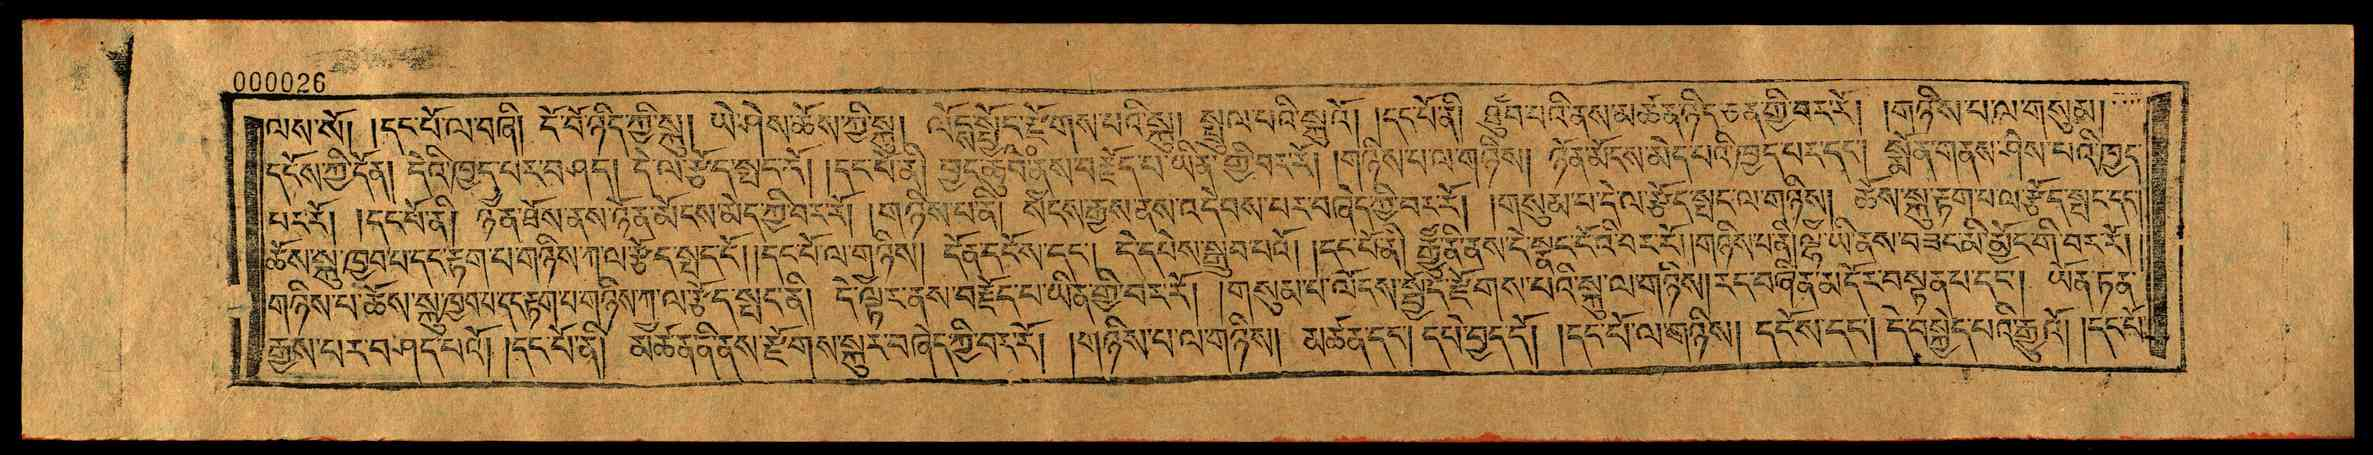ལས་སོ། །དང་པོ་ལ་བཞི། ངོ་བོ་ཉིད་ཀྱི་སྐུ། ཡེ་ཤེས་ཆོས་ཀྱི་སྐུ། ལོངས་སྤྱོད་རྫོགས་པའི་སྐུ། སྤྲུལ་པའི་སྐུའོ། །དང་པོ་ནི། ཐུབ ༤་པའི་ནས་མཚན་ཉིད་ཅན་གྱི་བར་རོ། །གཉིས་པ་ལ་གསུམ།
དངོས་ཀྱི་དོན། དེའི་ཁྱད་པར་བཤད། དེ་ལ་རྩོད་སྤང་ངོ། །དང་པོ་ནི། བྱང་ཆུབ་ནས་བརྗོད་པ་ཡིན་གྱི་བར་རོ། །གཉིས་པ་ལ་གཉིས། ཉོན་མོངས་མེད་པའི་ཁྱད་པར་དང་། སྨོན་གནས་ཤེས་པའི་ཁྱད་
པར་རོ། །དང་པོ་ནི། ཉན ༤་ཐོས་ནས་ཉོན་མོངས་མེད་ཀྱི་བར་རོ། །གཉིས་པ་ནི། སངས་རྒྱས་ནས་འདེབས་པར་བཞེད་ཀྱི་བར་རོ། །གསུམ་པ་དེ་ལ་རྩོད་སྤང་ལ་གཉིས། ཆོས་སྐུ་རྟག་པ་ལ་རྩོད་སྤང་དང་
ཆོས་སྐུ་ཁྱབ་པ་དང་རྟག་པ་གཉིས་ཀ་ལ་རྩོད་སྤང་ངོ། །དང་པོ་ལ་གཉིས། དོན་དངོས་དང་། དེ་དཔེས་སྒྲུབ་པའོ། །དང་པོ་ནི། རྒྱུ ༤་ནི་ནས་དེ་སྣང་ངོའི་བར་རོ། །གཉིས་པ་ནི། ལྷ་ཡི་ནས་བཟང་མི་མྱོང་གི་བར་རོ། །
གཉིས་པ་ཆོས་སྐུ་ཁྱབ་པ་དང་རྟག་པ་གཉིས་ཀ་ལ་རྩོད་སྤང་ནི། དེ ༤་ལྟར་ནས་བརྗོད་པ་ཡིན་གྱི་བར་རོ། །གསུམ་པ་ལོངས་སྤྱོད་རྫོགས་པའི་སྐུ་ལ་གཉིས། རང་བཞིན་མདོར་བསྟན་པ་དང་། ཡོན་ཏན་
རྒྱས་པར་བཤད་པའོ། །དང་པོ་ནི། ༤་མཚན་ནི་ནས་རྫོགས་སྐུར་བཞེད་ཀྱི་བར་རོ། །གཉིས་པ་ལ་གཉིས། མཚན་དང་། དཔེ་བྱད་དོ། །དང་པོ་ལ་གཉིས། དངོས་དང་། དེ་བསྐྱེད་པའི་རྒྱུའོ། །དང་པོ་